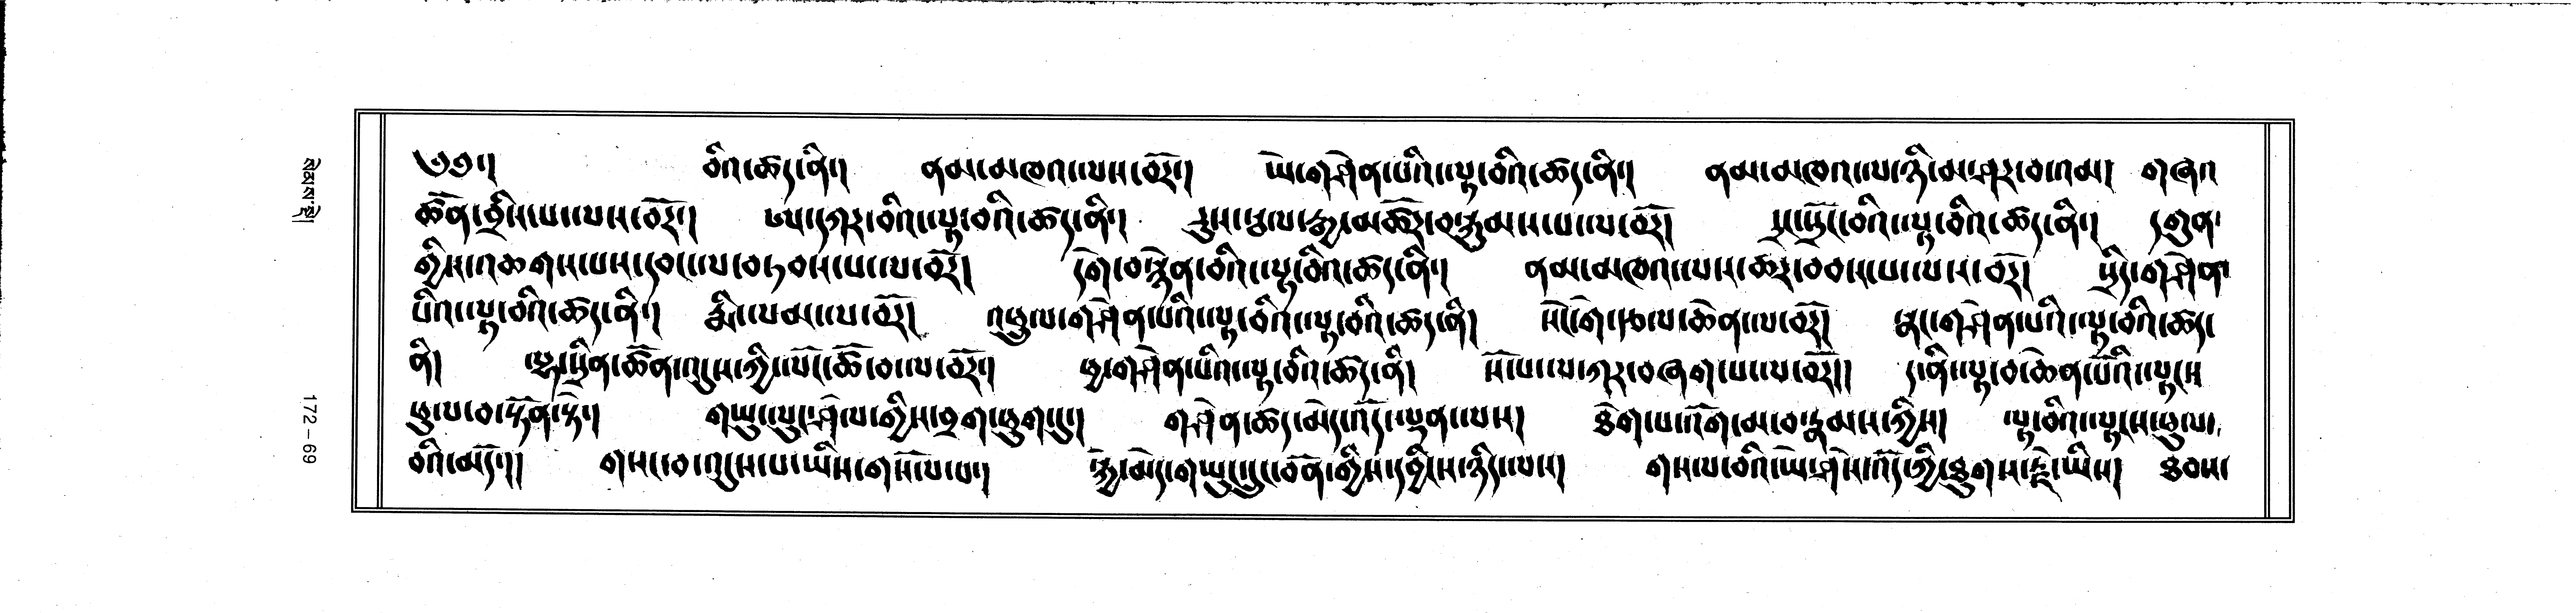བའི་ཚད་ནི། ནམ་མཁའ་ལས་བོར། ཡེ་གཤེན་པའི་ལྟ་བའི་ཚད་ནི། ནམ་མཁའ་ལ་ཉི་མ་ཤར་བ་འམ། གཞའ་
ཚོན་བྲིས་པ་ལས་བོར། ཨ་དཀར་བའི་ལྟ་བའི་ཚད་ནི། རུས་སྦལ་རྒྱ་མཚོར་བསྐུམས་པ་ལ་བོར། དྲང་སྲོང་བའི་ལྟ་བའི་ཚད་ནི། དགུན་
གྱིས་འཆགས་པས་དབང་ལ་བཏབས་པ་ལ་བོར། དགེ་བསྙེན་བའི་ལྟ་བའི་ཚད་ནི། ནམ་མཁའ་ལས་ཆར་བབས་པ་ལས་བོར། སྲིད་གཤེན་
པའི་ལྟ་བའི་ཚད་ནི། རྨི་ལམ་ལ་བོར། འཕྲུལ་གཤེན་པའི་ལྟ་བའི་ལྟ་བའི་ཚད་ནི། སེང་གེ་རྩལ་ཆེན་ལ་བོར། སྣང་གཤེན་པའི་ལྟ་བའི་ཚད་
ནི། ལྷ་སྲིན་ཚོན་འདུས་ཀྱི་ལོང་ཚོ་བ་ལ་བོར། ཕྱ་གཤེན་པའི་ལྟ་བའི་ཚད་ནི། སོ་པ་ལ་ཀར་བཞགས་པ་ལ་བོར། ད་ནི་ལྟ་བ་ཆེན་པོའི་ལྟངས་
ཕུལ་བ་སྟོན་སྟེ། གཡུ་ལུང་ཤེལ་གྱིས་བྲག་ཕུག་དུ། གཤེན་ཚད་མེད་འོད་ལྡན་ལས། ཐེག་པ་འོག་མ་བ་རྣམས་ཀྱིས། ལྟ་བའི་ལྟངས་ཕུལ་
བའི་མདོ། གསང་བ་འདུས་པ་ཡིས་གསོལ་པ། སྐྱེ་མེད་གཡུང་དྲུང་བོན་གྱིས་དབྱིངས་ཉིད་ལས། གསལ་བའི་ཡེ་ཤེས་འོད་ཀྱི་ཐུགས་རྗེ་ཡིས། ཐབས་